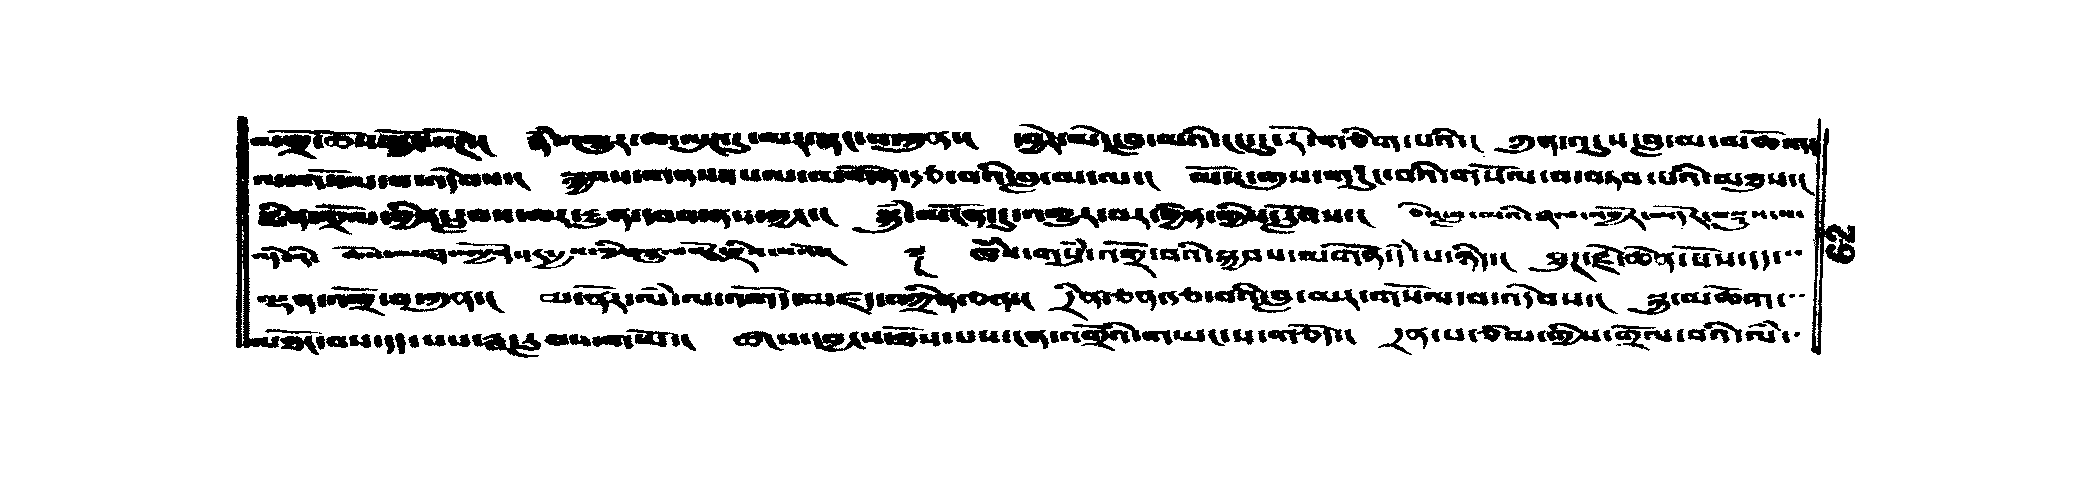མཁའ་འགྲོ་ཆོས་སྐྱོང་སོགས། །རྣམ་འགྱུར་ཆད་ལུགས་དུ་མར་སྣང་བ་ཀུན། །དབྱེར་མེད་བླ་མའི་ངང་དུ་རོ་གཅིག་པའི། །ཀུན་འདུས་བླ་མ་མཆོག་
ལ་གསོལ་བ་འདེབས། །སྐྱབས་གནས་དཔལ་མགོན་རྩ་བའི་བླ་མ་ལ། །མོས་གུས་གདུང་བའི་གསོལ་བ་བཏབ་པའི་མཐུས། །
སྨིན་གྲོལ་བྱིན་རླབས་ཆར་རྒྱུན་དབབ་ནས་ཀྱང་། །སྐུ་གསུམ་མངོན་དུ་འགྱུར་བར་བྱིན་གྱིས་རློབས། ཅེས་བླ་མའི་རྣལ་འབྱོར་མདོར་བསྡུས་པ་
འདི་ནི། ཆོས་མཛད་ཨོ་རྒྱན་དར་རྒྱས་ཀྱི་བསྐུལ་ངོར་བྲིས་པའོ།། ༈ ཁམས་གསུམ་འགྲོ་བའི་སྐྱབས་མགོན་དམ་པ་ཉིད། །ཐུགས་རྗེ་ཆེན་པོས་དད་
ལྡན་འགྲོ་བ་ཀུན། །མ་ནོར་ལམ་ལ་འགོད་མཛད་བཀའ་དྲིན་ཅན། །དྲིན་ཅན་རྩ་བའི་བླ་མར་གསོལ་བ་འདེབས། །སྐུ་མཆོག་
མཐོང་བས་དད་པའི་རྦ་རླབས་གཡོ། །ཚངས་དབྱངས་ཐོས་པས་ངན་འགྲོའི་གཡང་ས་གཅོད། །དྲན་པ་ཙམ་གྱིས་གྲོལ་བའི་ལམ་